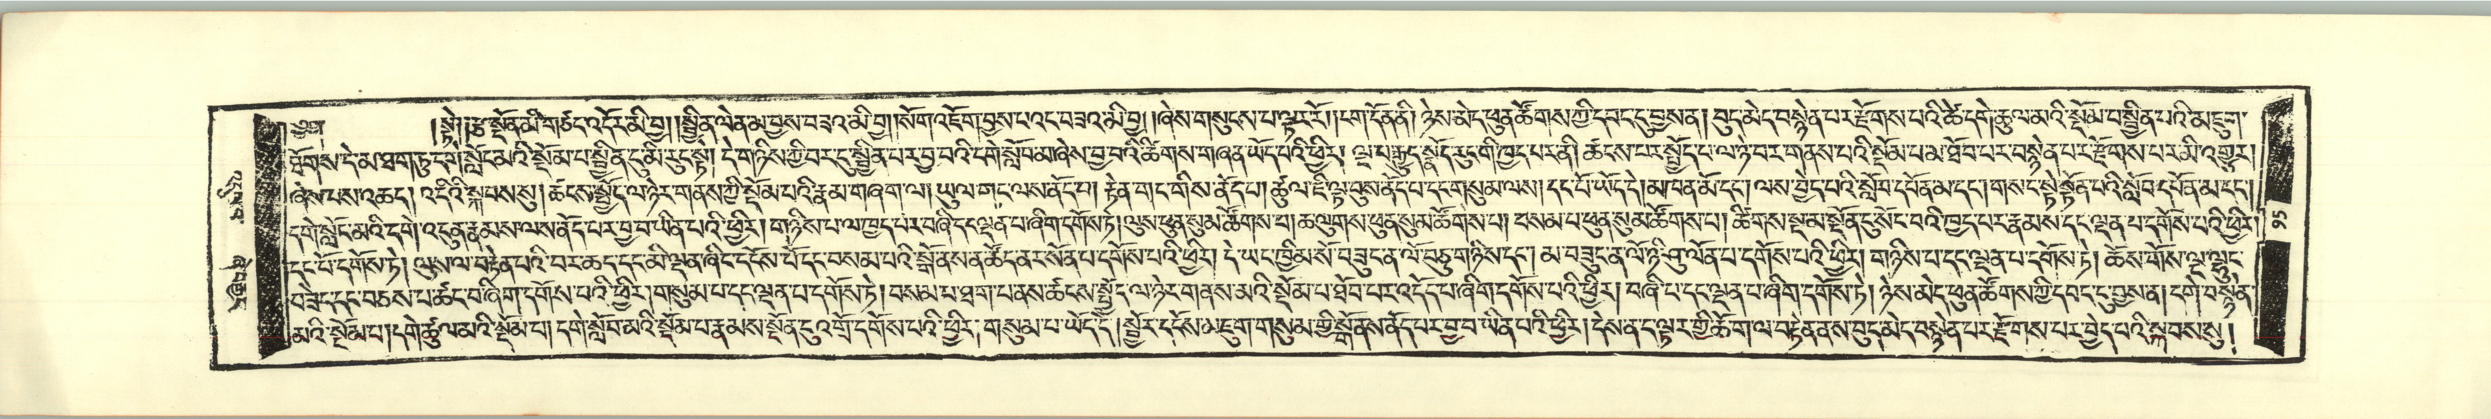༄༅། །སྟེ༑ ༑རྩ་སྔོན་མི་གཙང་འདོར་མི་བྱ། །སྦྱིན་ལེན་མ་བྱས་བཟའ་མི་བྱ། །སོག་འཇོག་བྱས་པའང་བཟའ་མི་བྱ། །ཞེས་གསུངས་པ་ལྟར་རོ། །ངག་དོན་ནི། ཉེས་མེད་ཕུན་ཚོགས་ཀྱི་དབང་དུ་བྱས་ན། བུད་མེད་བསྙེན་པར་རྫོགས་པའི་ཚེ་དགེ་ཆུལ་མའི་སྡོམ་པ་སྦྱིན་པའི་མཇུག་
ཐོགས་དེ་མ་ཐག་ཏུ་དགེ་སློང་མའི་སྡོམ་པ་སྦྱིན་དུ་མི་རུང་སྟེ། དེ་གཉིས་ཀྱི་བར་དུ་སྦྱིན་པར་བྱ་བའི་དགེ་སློབ་མ་ཞེས་བྱ་བའི་ཚིགས་གཞན་ཡོད་པའི་ཕྱིར། ལྔ་པ་རྒྱུད་སྣོད་རུང་གི་ཁྱད་པར་ནི། ཚངས་པར་སྤྱོད་པ་ལ་ཉེ་བར་གནས་པའི་སྡོམ་པ་མ་ཐོབ་པར་བསྙེན་པར་རྫོགས་པར་མི་འགྱུར།
ཞེས་པས་འཆད། འདིའི་སྐབས་སུ། ཚངས་སྤྱོད་ལ་ཉེར་གནས་ཀྱི་སྡོམ་པའི་རྣམ་གཞག་ལ། ཡུལ་གང་ལས་ནོད་པ། རྟེན་གང་གིས་ནོད་པ། ཚུལ་ཇི་ལྟ་བུས་ནོད་པ་དང་གསུམ་ལས། དང་པོ་ཡོད་དེ། མཁན་མོ་དང་། ལས་བྱེད་པའི་སློབ་དཔོན་མ་དང་། གསང་སྟེ་སྟོན་པའི་སློབ་དཔོན་མ་དང་།
དགེ་སློང་མའི་དགེ་འདུན་རྣམས་ལས་ནོད་པར་བྱ་བ་ཡིན་པའི་ཕྱིར། གཉིས་པ་ལ་ཁྱད་པར་བཞི་དང་ལྡན་པ་ཞིག་དགོས་ཏེ། ལུས་ཕུན་སུམ་ཚོགས་པ། ཆ་ལུགས་ཕུན་སུམ་ཚོགས་པ། བསམ་པ་ཕུན་སུམ་ཚོགས་པ། ཚིགས་སྔ་མ་སྔོན་དུ་སོང་བའི་ཁྱད་པར་རྣམས་དང་ལྡན་པ་དགོས་པའི་ཕྱིར།
དང་པོ་དགོས་ཏེ། ལུས་ལ་བརྟེན་པའི་བར་ཆད་དང་མི་ལྡན་ཞིང་དངོས་པོ་དང་བསམ་པའི་སྒོ་ནས་ན་ཚོད་ནར་སོན་པ་དགོས་པའི་ཕྱིར། དེ་ཡང་ཁྱིམ་སོ་བཟུང་ན་ལོ་བཅུ་གཉིས་དང་། མ་བཟུང་ན་ལོ་ཉི་ཤུ་ལོན་པ་དགོས་པའི་ཕྱིར། གཉིས་པ་དང་ལྡན་པ་དགོས་ཏེ། ཆོས་གོས་ལྔ་ལྷུང་
བཟེད་དང་བཅས་པ་ཚང་བ་ཞིག་དགོས་པའི་ཕྱིར། གསུམ་པ་དང་ལྡན་པ་དགོས་ཏེ། བསམ་པ་ཐག་པ་ནས་ཚངས་སྤྱོད་ལ་ཉེར་གནས་མའི་སྡོམ་པ་ཐོབ་པར་འདོད་པ་ཞིག་དགོས་པའི་ཕྱིར། བཞི་པ་དང་ལྡན་པ་ཞིག་དགོས་ཏེ། ཉེས་མེད་ཕུན་ཚོགས་ཀྱི་དབང་དུ་བྱས་ན། དགེ་བསྙེན་
མའི་སྡོམ་པ། དགེ་ཚུལ་མའི་སྡོམ་པ། དགེ་སློབ་མའི་སྡོམ་པ་རྣམས་སྔོན་དུ་འགྲོ་དགོས་པའི་ཕྱིར། གསུམ་པ་ཡོད་དེ། སྦྱོར་དངོས་མཇུག་གསུམ་གྱི་སྒོ་ནས་ནོད་པར་བྱ་བ་ཡིན་པའི་ཕྱིར། དེས་ན་ད་ལྟར་གྱི་ཆོ་ག་ལ་བརྟེན་ནས་བུད་མེད་བསྙེན་པར་རྫོགས་པར་བྱེད་པའི་སྐབས་སུ།